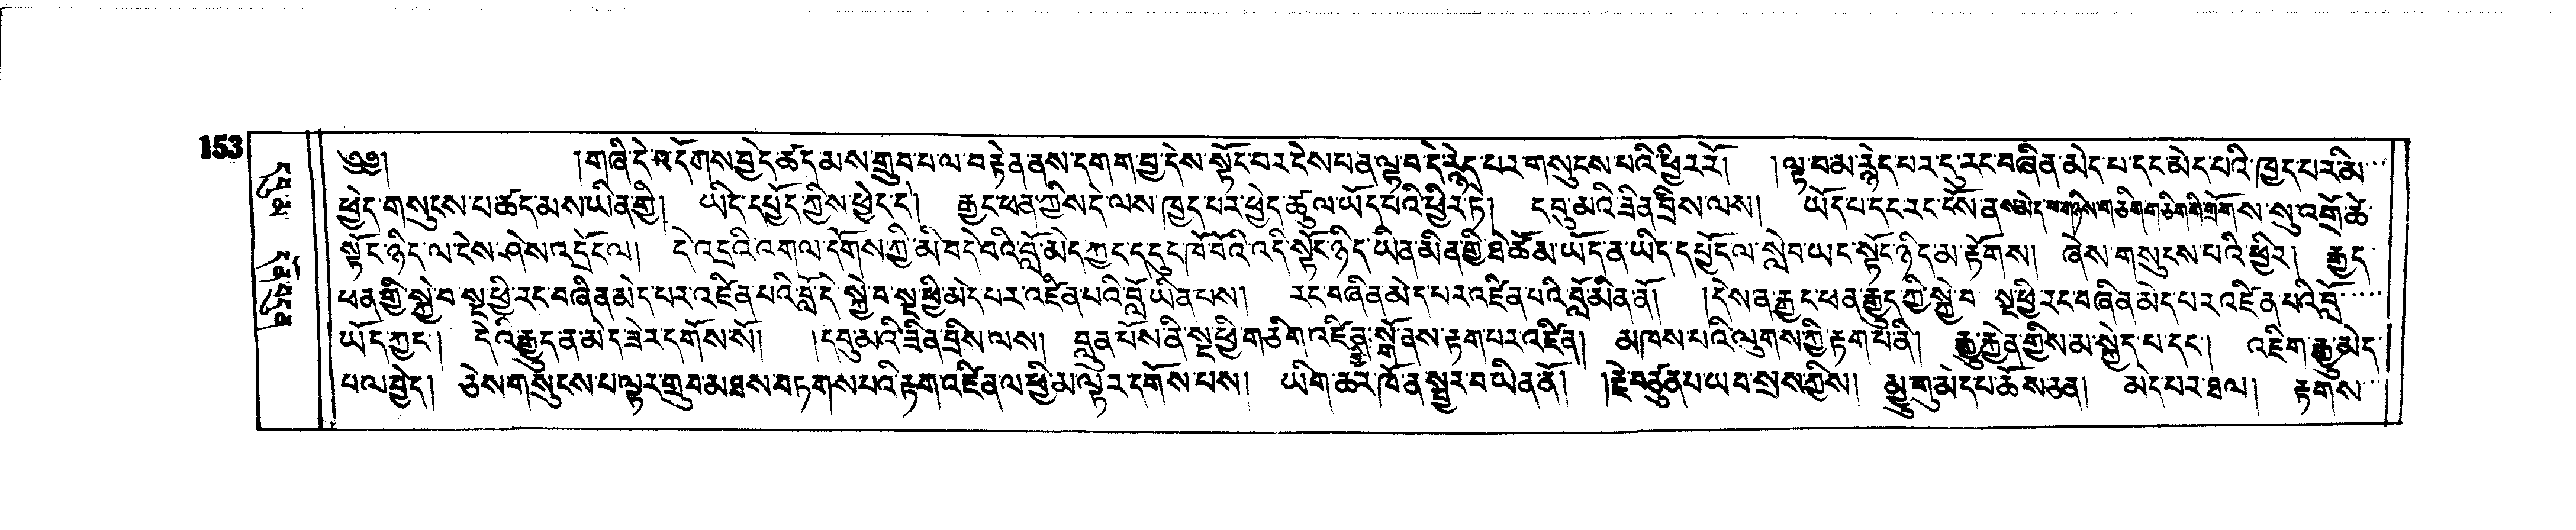༄༅། །གཞི་དེ་འདོགས་བྱེད་ཚད་མས་གྲུབ་པ་ལ་བརྟེན་ནས་དགག་བྱ་དེས་སྟོང་བར་ངེས་པ་ན་ལྟ་བ་དེ་རྙེད་པར་གསུངས་པའི་ཕྱིར་རོ། །ལྟ་བ་མ་རྙེད་པར་དུ་རང་བཞིན་མེད་པ་དང་མེད་པའི་ཁྱད་པར་མི་
ཕྱེད་གསུངས་པ་ཚད་མས་ཡིན་གྱི། ཡིད་དཔྱོད་ཀྱིས་ཕྱེད་དེ། རྒྱང་ཕན་ཀྱིས་དེ་ལས་ཁྱད་པར་ཕྱེད་ཚུལ་ཡོད་པའི་ཕྱིར་ཏེ། དབུ་མའི་ཟིན་བྲིས་ལས། ཡོད་པ་དང་རང་ངོས་ནས་མེད་བ་གཉིས་གཅིག་གཅིག་གི་གྲོགས་སུ་འགྲོ་ཚེ་
སྟོང་ཉིད་ལ་ངེས་ཤེས་འདྲོང་ལ། དེ་འདྲའི་འགལ་དོགས་ཀྱི་མི་བདེ་བའི་བློ་མེད་ཀྱང་ད་དུང་ཁོ་བོའི་འདི་སྟོང་ཉིད་ཡིན་མིན་གྱི་ཐེ་ཚོམ་ཡོད་ན་ཡིད་དཔྱོད་ལ་སླེབ་ཡང་སྟོང་ཉིད་མ་རྟོགས། ཞེས་གསུངས་པའི་ཕྱིར། རྒྱད་
ཕན་གྱི་སྐྱེ་བ་སྔ་ཕྱི་རང་བཞིན་མེད་པར་འཛིན་པའི་བློ་དེ་སྐྱེ་བ་སྔ་ཕྱི་མེད་པར་འཛིན་པའི་བློ་ཡིན་པས། རང་བཞིན་མེད་པར་འཛིན་པའི་བློ་མིན་ནོ། །དེས་ན་རྒྱང་ཕན་རྒྱུད་ཀྱི་སྐྱེ་བ་སྔ་ཕྱི་རང་བཞིན་མེད་པར་འཛིན་པའི་བློ་
ཡོད་ཀྱང་། དེའི་རྒྱུད་ན་མེད་ཟེར་དགོས་སོ། །དབུ་མའི་ཟིན་བྲིས་ལས། བླུན་པོས་ནི་སྔ་ཕྱི་གཅིག་འཛིན་གྱི་སྒོ་ནས་རྟག་པར་འཛིན། མཁས་པའི་ལུགས་ཀྱི་རྟག་པ་ནི། རྒྱུ་རྐྱེན་གྱིས་མ་སྐྱེད་པ་དང་། འཇིག་རྒྱུ་མེད་
པ་ལ་བྱེད། ཅེས་གསུངས་པ་ལྟར་གྲུབ་མཐས་བཏགས་པའི་རྟག་འཛིན་ལ་ཕྱི་མ་ལྟར་དགོས་པས། ཡིག་ཆར་ཁོ་ན་སྦྱར་བ་ཡིན་ནོ། །རྗེ་བཙུན་པ་ཡབ་སྲས་ཀྱིས། མྱུ་གུ་མེད་པ་ཆོས་ཅན། མེད་པར་ཐལ། རྟགས་